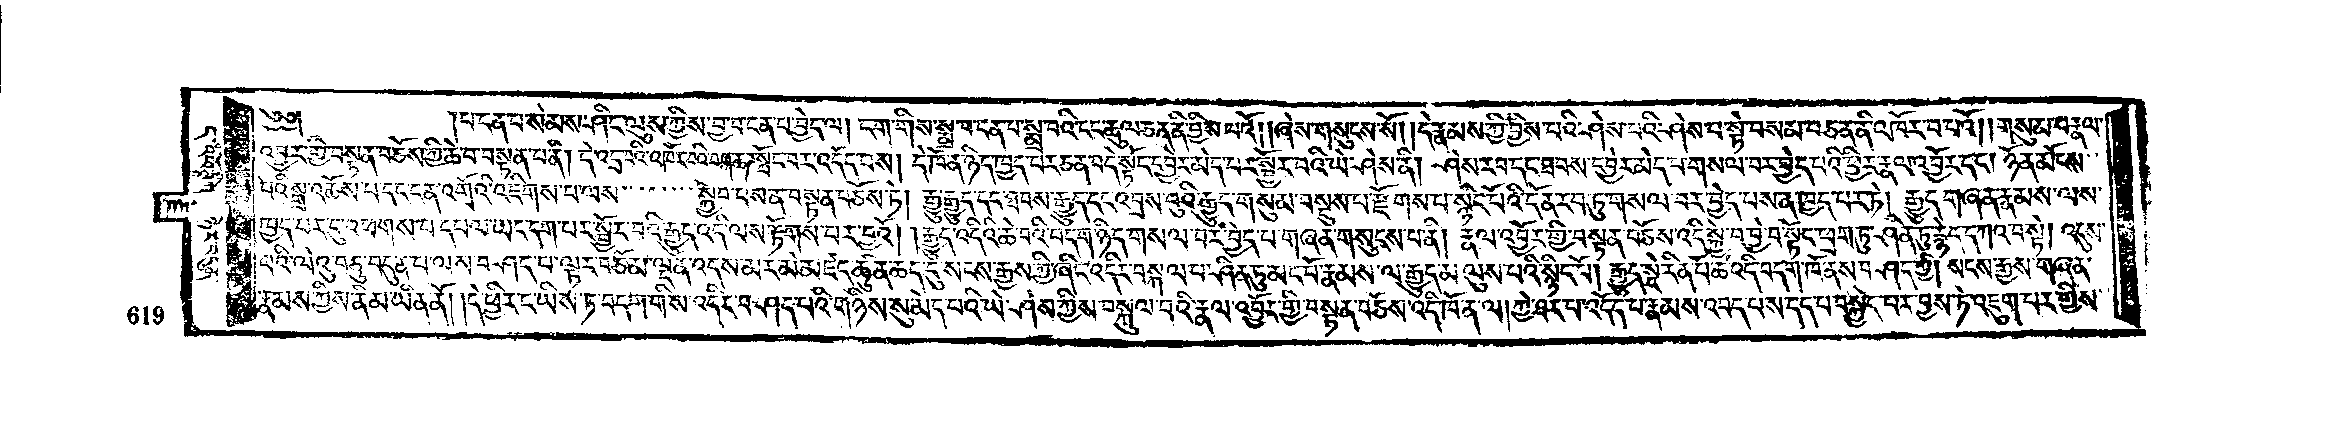༄༅། །པ་ངན་པ་སེམས་ཤིང་ལུས་ཀྱིས་བྱ་བ་ངན་པ་བྱེད་ལ། ངག་གིས་སྨྲ་བ་ངན་པ་སྨྲ་བའི་ངང་ཚུལ་ཅན་ནི་བྱིས་པའོ། །ཞེས་གསུངས་སོ། །དེ་རྣམས་ཀྱི་བྱིས་པའི་ཤེས་པའི་ཤེས་པ་སྟེ་བསམ་བཅན་ནི་འཁོར་བ་པའོ། །གསུམ་པ་རྣལ་
འབྱོར་གྱི་བསྟན་བཅོས་ཀྱི་ཆེ་བ་བསྟན་པ་ནི། དེ་འདྲ་བའི་འཁོར་བའི་བག་ཆགས་སྤོང་བར་འདོད་པས། དེ་ཁོ་ན་ཉིད་ཁྱད་པར་ཅན་བདེ་སྟོང་དབྱེར་མེད་པར་སྦྱོར་བའི་ཡེ་ཤེས་ནི། ཤེས་རབ་དང་ཐབས་དབྱེར་མེད་པ་གསལ་བར་བྱེད་པའི་ཕྱིར་རྣལ་འབྱོར་དང་། ཉོན་མོངས་
པའི་སྒྲ་འཆོས་པ་དང་ངན་འགྲོའི་འཇིགས་པ་ལས་སྐྱོབ་པས་ན་བསྟན་བཅོས་ཏེ། རྒྱུ་རྒྱུད་དང་ཐབས་རྒྱུད་དང་འབྲས་བུའི་རྒྱུད་གསུམ་བསྡུས་པ་རྫོགས་པ་སྙིང་པོའི་དོན་རབ་ཏུ་གསལ་བར་བྱེད་པས་ན་ཁྱད་པར་ཏེ། རྒྱུད་གཞན་རྣམས་ལས་
ཁྱད་པར་དུ་འཕགས་པ་དཔལ་ཡང་དག་པར་སྦྱོར་བའི་རྒྱུད་འདི་ལས་རྟོགས་པར་བྱའོ། །རྒྱུད་འདིའི་ཆེ་བའི་བདག་ཉིད་གསལ་བར་བྱེད་པ་གཞན་གསུངས་པ་ནི། རྣལ་འབྱོར་གྱི་བསྟན་བཅོས་འདི་སྐྱེ་བ་བྱེ་བ་སྟོང་ཕྲག་ཏུ་ཤིན་ཏུ་རྙེད་དཀའ་བ་སྟེ། འདུས་
བའི་ལེའུ་བཅུ་བདུན་པ་ལས་བཤད་པ་ལྟར་བཅོམ་ལྡན་འདས་མར་མེ་མཛད་ཚུན་ཆད་དུ་སངས་རྒྱས་ཀྱི་ཞིང་འདིར་བསྐལ་པ་ཤིན་ཏུ་མང་པོ་རྣམས་ལ་རྒྱུད་མ་ལུས་པའི་སྙིང་པོ། རྒྱུད་སྡེ་རིན་པོ་ཆེ་འདི་བདག་ཁོ་ནས་བཤད་ཀྱི། སངས་རྒྱས་གཞན་
རྣམས་ཀྱིས་ནི་མ་ཡིན་ནོ། །དེ་ཕྱིར་ང་ཡིས་ཏ་བདག་གིས་འདིར་བཤད་པའི་གཉིས་སུ་མེད་པའི་ཡེ་ཤེས་ཀྱིས་བསྐུལ་བའི་རྣལ་འབྱོར་གྱི་བསྟན་བཅོས་འདི་ཁོ་ན་ལ། ཀྱེ་ཐར་པ་འདོད་པ་རྣམས་འབད་པས་དད་པ་བསྐྱེད་པར་བྱས་ཏེ་འཇུག་པར་གྱིས་